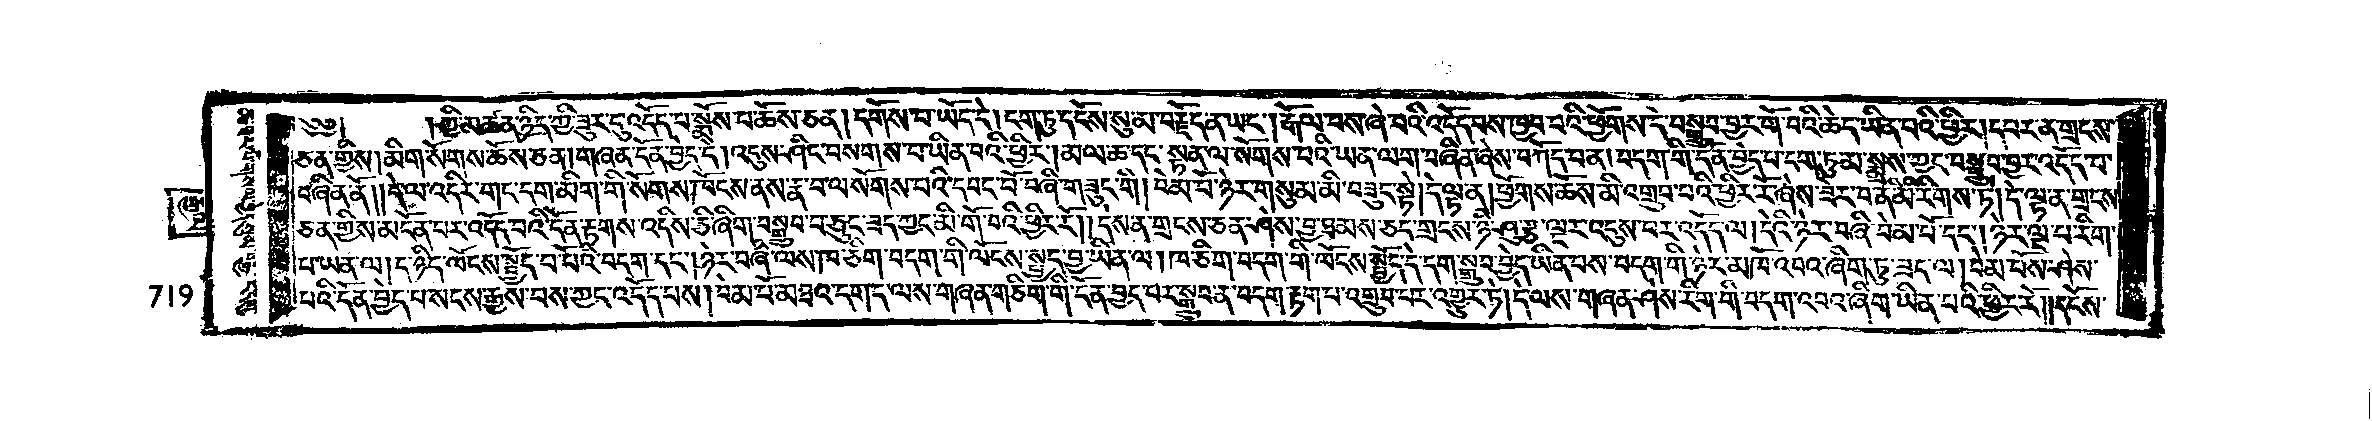༄༅། །ཀྱི་མཚན་ཉིད་ཀྱི་ཟུར་དུ་འདོད་པ་སྨོས་པ་ཆོས་ཅན། དགོས་པ་ཡོད་དེ། དག་ཏུ་དངོས་སུ་མ་བརྗོད་ན་ཡང་།རྒོལ་བས་ཞེ་བའི་འདོད་པས་ཁྱབ་བའི་ཕྱོགས་དེ་བསྒྲུབ་བྱར་གོ་བའི་ཆེད་ཡིན་པའི་ཕྱིར། དཔར་ན་གྲངས་
ཅན་གྱིས། མིག་སོགས་ཆོས་ཅན། གཞན་དོན་བྱེད་དེ། འདུས་ཤིང་བསགས་པ་ཡིན་པའི་ཕྱིར། མལ་ཆ་དང་སྟན་ལ་སོགས་པའི་ཡན་ལག་བཞིན་ཞིས་བཀོད་པ་ན། བདག་གི་དོན་བྱེད་པ་དག་ཏུ་མ་སྨྲས་ཀྱང་བསྒྲུབ་བྱར་འདོད་པ་
བཞིན་ནོ། །དེ་ལ་འདིར་གང་དག་མིག་གི་སོགས་ཁོངས་ནས་རྣ་བ་ལ་སོགས་པའི་དབང་པོ་བཞི་གཟུང་གི། བེམ་བོ་ཉེར་གསུམ་མི་བཟུང་སྟེ། དེ་ལྟ་ན། ཕྱོགས་ཆོས་མི་འགྲུབ་པའི་ཕྱིར་རོ་ཞེས་ཟེར་བ་ན་མི་རིགས་ཏེ། དེ་ལྟ་ན་གྲངས་
ཅན་གྱིས་མངོན་པར་འདོད་པའི་དོན་རྟགས་འདིས་ཅི་ཞིག་བསྒྲུབ་པ་ཅུང་ཟད་ཀྱང་མི་གོ་བའི་ཕྱིར་རོ། །དེས་ན་གྲངས་ཅན་ཤེས་བྱ་ཐམས་ཅད་གྲངས་ཉི་ཤུ་རྩ་ལྔར་འདུས་པར་འདོད་ལ། དེའི་ཉེར་བཞི་བེམ་པོ་དང་། ཉེར་ལྔ་པ་རིག་
པ་ཡན་ལ། ད་ཉིད་ལོངས་སྤྱོད་པ་པོའི་བདག་དང་། ཉེར་བཞི་ལས་ཁ་ཅིག་བདག་གི་ལོངས་སྤྱད་བྱ་ཡིན་ལ། ཁ་ཅིག་བདག་གི་ལོངས་སྤྱོད་དེ་དག་སྒྲུབ་བྱེད་ཡིན་པས་བདག་གི་ཉེར་མཁོ་འབའ་ཞིག་ཏུ་ཟད་ལ། བམ་པོས་ཤེས་
པའི་དོན་བྱེད་པ་སངས་རྒྱས་པས་ཀྱང་འདོད་པས། བེམ་པོ་མཐའ་དག་ད་ལས་གཞན་གཅིག་གི་དོན་བྱེད་པར་སྒྲུབ་ན་བདག་རྟག་པ་འགྲུབ་པར་འགྱུར་ཏེ། དེ་ལས་གཞན་ཤེས་རིག་གི་བདག་འབའ་ཞིག་ཡིན་པའི་ཕྱིར་རོ། །དངོས་